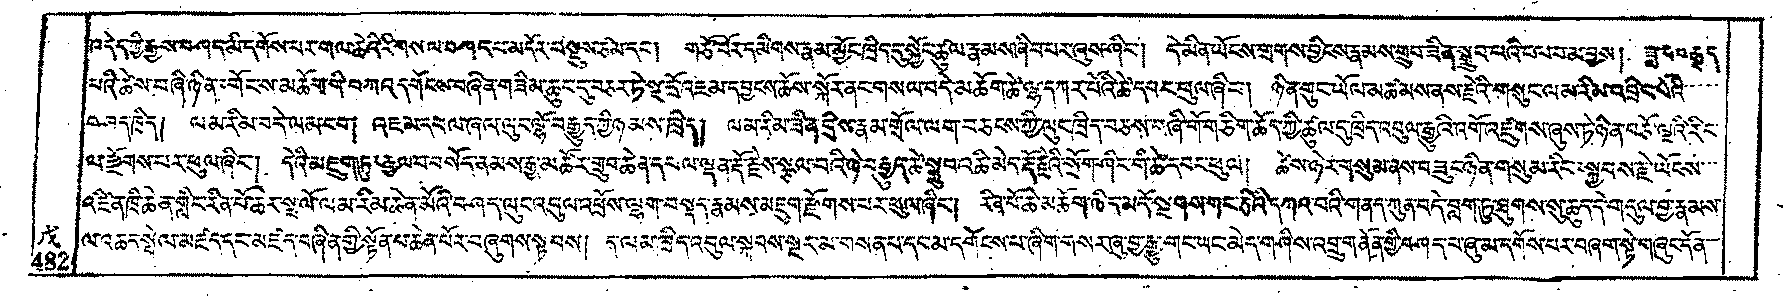འདོད་ཀྱི་རྒྱས་བཤད་མི་དགོས་པར་གལ་ཆེའི་རིགས་ལ་བཤད་པ་མདོར་བསྡུས་ཙམ་དང་། གཙོ་བོར་དམིགས་རྣམ་མྱོང་ཁྲིད་དུ་སྐྱོང་ཚུལ་རྣམས་ཞིབ་པར་ཞུས་ཤིང་། དེ་མིན་ཡོངས་གྲགས་བྱིངས་རྣམས་གྲུབ་ཟིན་སྒྲུབ་པའི་ངལ་བ་མ་བྱས། ཟླ་བ་བརྒྱད་
པའི་ཚེས་བཞི་ཉིན་༧གོང་ས་མཆོག་གི་བཀའ་དགོངས་བཞིན་གཟིམ་ཆུང་དུ་བཅར་ཏེ་སྔ་དྲོ་འཇམ་དབྱངས་ཆོས་སྐོར་ནང་གསལ་བདེ་མཆོག་ཚེ་ལྷ་དཀར་པོའི་ཚེ་དབང་ཕུལ་ཞིང་། ཉིན་གུང་ཡོལ་མཚམས་ནས་རྗེའི་གསུང་ལམ་རིམ་འབྲིང་པོའི་
བཤད་ཁྲིད། ལམ་རིམ་བདེ་ལམ་ང་བ། འཇམ་དཔལ་ཞལ་ལུང་ལྷོ་བརྒྱུད་ཀྱི་ཉམས་ཁྲིད། ལམ་རིམ་ཟིན་བྲིས་རྣམ་གྲོལ་ལག་བཅངས་ཀྱི་ལུང་ཁྲིད་བཅས་བཞི་གོ་གཅིག་ཆོད་ཀྱི་ཚུལ་དུ་ཁྲིད་འབུལ་རྒྱུའི་འགོ་འཛུགས་ཞུས་ཏེ་ཉིན་བཅོ་ལྔའི་རིང་
ལ་རྫོགས་པར་ཕུལ་ཞིང་། དེའི་མཇུག་ཏུ་༧རྒྱལ་བ་བསོད་ནམས་རྒྱ་མཚོའི་གྲུབ་ཆེན་དཔལ་ལྡན་རྡོ་རྗེས་སྩལ་བའི་ཉེ་བརྒྱུད་ཚེ་སྒྲུབ་འཆི་མེད་རྡོ་རྗེའི་སྲོག་ཤིང་གི་ཚེ་དབང་ཕུལ། ཚེས་ཉེར་གསུམ་ནས་བཟུང་ཉིན་གསུམ་རིང་༧སྐྱབས་རྗེ་ཡོངས་
འཛིན་ཁྲི་ཆེན་གླིང་རིན་པོ་ཆེར་སྔ་ལོ་ལམ་རིམ་ཆེན་མོའི་བཤད་ལུང་འབུལ་འཕྲོས་ལྷག་བསྡད་རྣམས་མཇུག་རྫོགས་པར་ཕུལ་ཞིང་། རིན་པོ་ཆེ་མཆོག་ཉིད་མདོ་སྔགས་གང་ཅིའི་དཀའ་བའི་གནད་ཀུན་བདེ་བླག་ཏུ་ཐུགས་སུ་ཆུད་དེ་གདུལ་བྱ་རྣམས་
ལ་འཆད་སྤེལ་མཛད་དང་མཛད་བཞིན་གྱི་སྟོན་པ་ཆེན་པོར་བཞུགས་སྟབས། ད་ལམ་ཁྲིད་འབུལ་སྐབས་སྔར་མ་གསན་པ་དང་མ་དགོངས་པ་ཞིག་གསར་ཞུ་བྱ་རྒྱུ་གང་ཡང་མེད་གཤིས་འབྲུ་གནོན་གྱི་བཤད་པ་ཞུ་མ་དགོས་པར་བཞག་སྟེ་གཞུང་དོན་